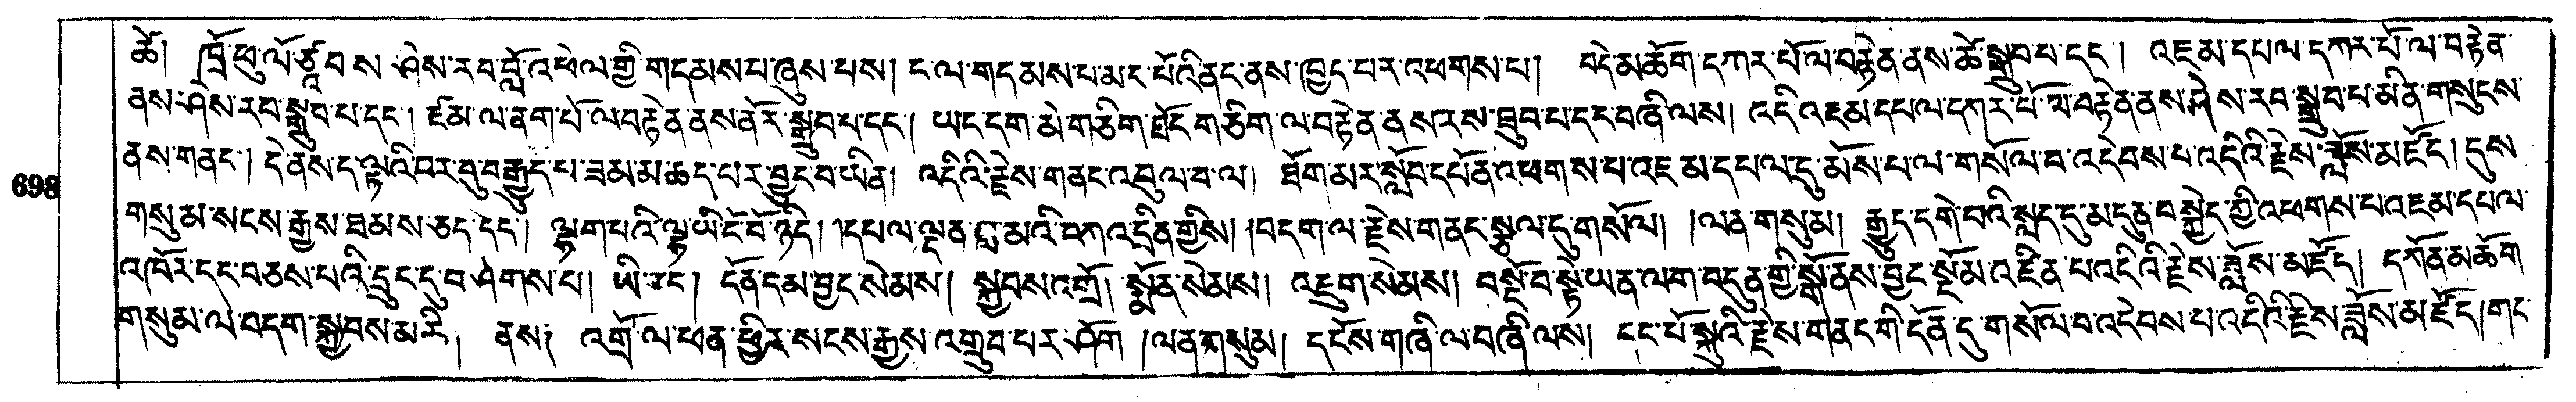ཚེ། ཁྲོ་ཕུ་ལོ་ཙཱ་བས་ཤེས་རབ་བློ་འཕེལ་གྱི་གདམས་པ་ཞུས་པས། ང་ལ་གདམས་པ་མང་པོའི་ནང་ནས་ཁྱད་པར་འཕགས་པ། བདེ་མཆོག་དཀར་པོ་ལ་བརྟེན་ནས་ཚེ་སྒྲུབ་པ་དང་། འཇམ་དཔལ་དཀར་པོ་ལ་བརྟེན་
ནས་ཤེས་རབ་སྒྲུབ་པ་དང་། ཛམ་ལ་ནག་པོ་ལ་བརྟེན་ནས་ནོར་སྒྲུབ་པ་དང་། ཡང་དག་མེ་གཅིག་ཐོང་གཅིག་ལ་བརྟེན་ནས་རས་ཐུབ་པ་དང་བཞི་ལས། འདི་འཇམ་དཔལ་དཀར་པོ་ལ་བརྟེན་ནས་ཤེས་རབ་སྒྲུབ་པ་མིན་གསུངས་
ནས་གནང་། དེ་ནས་ད་ལྟའི་བར་དུ་བརྒྱུད་པ་ཟམ་མ་ཆད་པར་བྱུང་བ་ཡིན། འདིའི་རྗེས་གནང་འབུལ་བ་ལ། ཐོག་མར་སློབ་དཔོན་འཕགས་པ་འཇམ་དཔལ་དུ་མོས་པ་ལ་གསོལ་བ་འདེབས་པ་འདིའི་རྗེས་ཟློས་མཛོད། དུས་
གསུམ་སངས་རྒྱས་ཐམས་ཅད་དང་། ལྷག་པའི་ལྷ་ཡི་ངོ་བོ་ཉིད། །དཔལ་ལྡན་བླ་མའི་བཀའ་འདྲིན་གྱིས། །བདག་ལ་རྗེས་གནང་སྩལ་དུ་གསོལ། །ལན་གསུམ། རྒྱུད་དགེ་བའི་སླད་དུ་མདུན་བསྐྱེད་ཀྱི་བྰྥགས་པ་འཇམ་དཔལ་
འཁོར་དང་བཅས་པའི་དྲུང་དུ་བཤེགས་པ། ཡི་རང་། དོན་དམ་བྱང་སེམས། སྐྱབས་འགྲོ། སྨོན་སེམས། འཇུག་སེམས། བསྔོ་བ་སྟེ་ཡན་ལག་ཨབདུན་གྱི་སྒོ་ནས་བྱང་སྡོམ་འཛིན་པ་འདིའི་རྗེས་ཟློས་མཛོད། དཀོན་མཆོག་
གསུམ་ལ་བདག་སྐྱབས་མཆི། ནས༑ འགྲོ་ལ་ཕན་ཕྱིར་སངས་རྒྱས་འགྲུབ་པར་ཤོག །ལན་གསུ། དངོས་གཞི་ལ་བཞི་ལས། དང་པོ་སྐུའི་རྗེས་གནང་གི་དོན་དུ་གསོལ་བ་འདེབས་པ་འདིའི་རྗེས་ཟློས་མཛོད། གང་